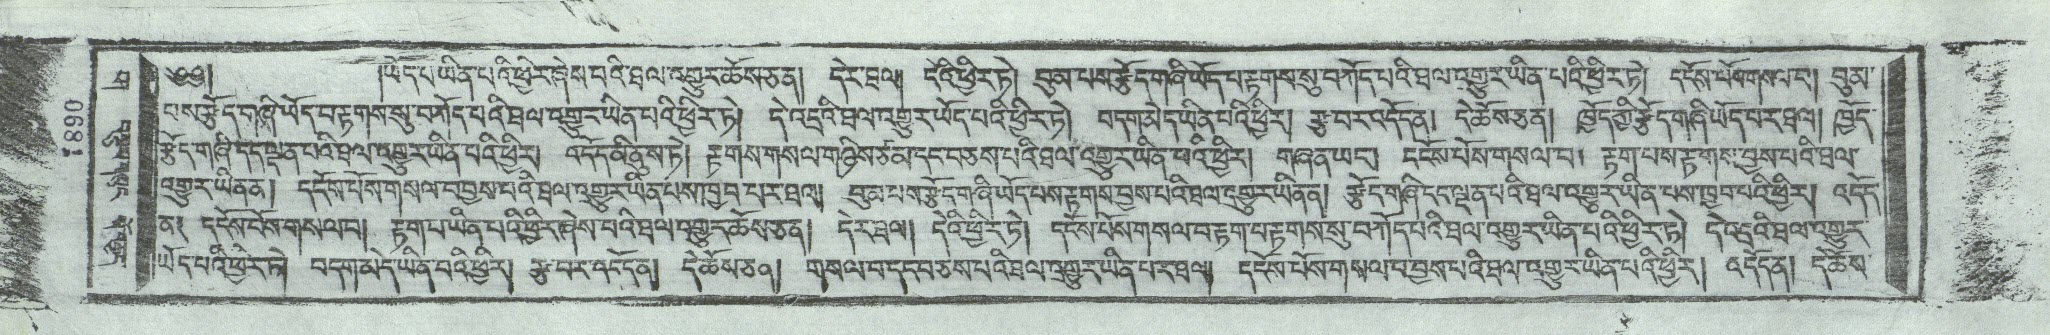༄༅། །ཡོད་པ་ཡིན་པའི་ཕྱིར་ཞེས་པའི་ཐལ་འགྱུར་ཆོས་ཅན། དེར་ཐལ། དེའི་ཕྱིར་ཏེ། བུམ་པས་རྩོད་གཞི་ཡོད་པ་རྟགས་སུ་བཀོད་པའི་ཐལ་འགྱུར་ཡིན་པའི་ཕྱིར་ཏེ། དངོས་པོས་གསལ་བ། བུམ་
པ་ལ་རྩོད་གཞི་ཡོད་པ་རྟགས་སུ་བཀོད་པའི་ཐལ་འགྱུར་ཡིན་པའི་ཕྱིར་ཏེ། དེ་འདྲའི་ཐལ་འགྱུར་ཡོད་པའི་ཕྱིར་ཏེ། བདག་མེད་ཡིན་པའི་ཕྱིར། རྩ་བར་འདོད་ན། དེ་ཆོས་ཅན། ཁྱོད་ཀྱི་རྩོད་གཞི་ཡོད་པར་ཐལ། ཁྱོད་
རྩོད་གཞི་དང་ལྡན་པའི་ཐལ་འགྱུར་ཡིན་པའི་ཕྱིར། འདོད་མི་ནུས་ཏེ། རྟགས་གསལ་གཉིས་ཙམ་དང་བཅས་པའི་ཐལ་འགྱུར་ཡིན་པའི་ཕྱིར། གཞན་ཡང་། དངོས་པོས་གསལ་པ། རྟག་པས་རྟགས་བྱས་པའི་ཐལ་
འགྱུར་ཡིན་ན། དངོས་པོས་གསལ་བ་བྱས་པའི་ཐལ་འགྱུར་ཡིན་པས་ཁྱབ་པར་ཐལ། བུམ་པས་རྩོད་གཞི་ཡོད་པས་རྟགས་བྱས་པའི་ཐལ་འགྱུར་ཡིན་ན། རྩོད་གཞི་དང་ལྡན་པའི་ཐལ་འགྱུར་ཡིན་པས་ཁྱབ་པའི་ཕྱིར། འདོད་
ན། དངོས་པོས་གསལ་བ། རྟག་པ་ཡིན་པའི་ཕྱིར་ཞེས་པའི་ཐལ་འགྱུར་ཆོས་ཅན། དེར་ཐལ། དེའི་ཕྱིར་ཏེ། དངོས་པོས་གསལ་བ་རྟག་བརྟགས་སུ་བཀོད་པའི་ཐལ་འགྱུར་ཡིན་པའི་ཕྱིར་ཏེ། དེ་འདྲའི་ཐལ་འགྱུར་
ཡོད་པའི་ཕྱིར་ཏེ། བདག་མེད་ཡིན་པའི་ཕྱིར། རྩ་བར་འདོད་ན། དེ་ཆོས་ཅན། གསལ་བ་དང་བཅས་པའི་ཐལ་འགྱུར་ཡིན་པར་ཐལ། དངོས་པོས་གསལ་བ་བྱས་པའི་ཐལ་འགྱུར་ཡིན་པའི་ཕྱིར། འདོད་ན། དེ་ཆོས་